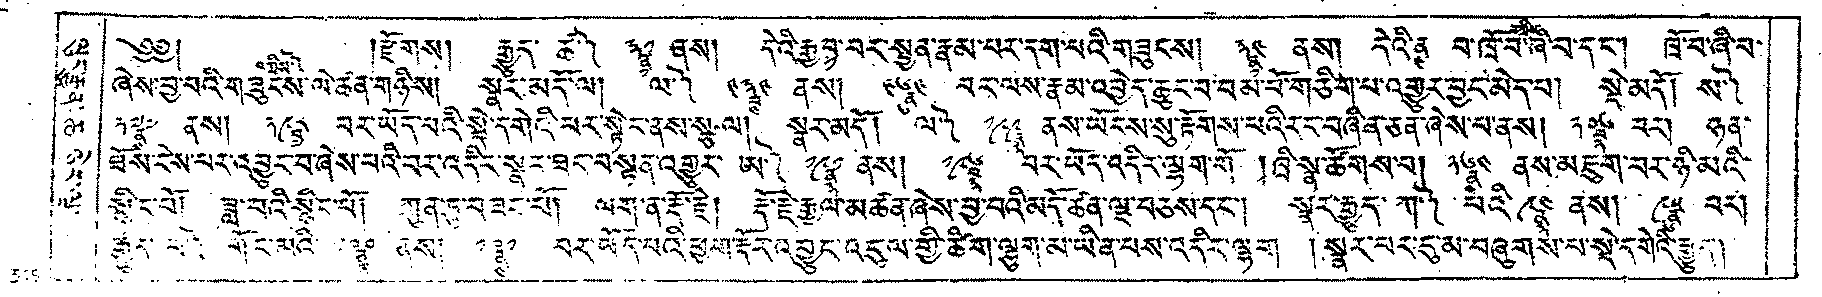༄༅། །བཀྲིས}་རྫོགས། རྒྱུད་ཚ} ༣༡་ན ༡་ནས། དེའི་རྒྱབ ༡་བར་སྤྱན་རྣམ་པར་དག་པའི་གཟུངས། ༣༤་ན ༡་ནས། དེའི་ནྱ་བ་ཁྲོ་བ་བཀྲིས་ཞི་བ་དང་། ཁྲོ་བ་ཞི་བ་
ཞེས་བྱ་བའི་གཟུངས་བཀྲིས}་ལེ་ཚན་གཉིས། སྣར་མདོ་ལ། ལ} ༤༣༤་བ ༤་ནས། ༤༦༤་ན ༦་བར་ལས་རྣམ་འབྱེད་ཆུང་བ་བམ་པོ་གཅིག་པ་འགྱུར་བྱང་མེད་པ། སྡེ་མདོ། ས}
༢༧༧་ན ༤་ནས། ༢༩༨་བ ༧་བར་ཡོད་པའི་སྡེ་དགེའི་པར་སྟེང་ནས་སྩལ། སྣར་མདོ། ལ} ༡༩༩་ན ༣་ནས་ཡོངས་སུ་རྟོགས་པའི་རང་བཞིན་ཅན་ཞེས་པ་ནས། ༢༠༦་བ ༢་བར། ཉན་
ཐོས་ངེས་པར་འབྱུང་བ་ཞེས་པའི་བར་འདིར་སྣར་ཐང་བསྟན་འགྱུར་ཨ} ༡༩༡་ན ༣་ནས། ༡༩༦་བ ༣་བར་ཡོད་འདིར་ལྷག་གོ །ཁྲི་སྣ་ཚོགས་པ། ༢༦༤་ན ༤་ནས་མཇུག་བར་ཉི་མའི་
སྙིང་པོ། ཟླ་བའི་སྙིང་པོ། ཀུན་ཏུ་བཟང་པོ། ལག་ན་རྡོ་རྗེ། རྡོ་རྗེ་རྒྱལ་མཚན་ཞེས་བྱ་བའི་མདོ་ཚན་ལྔ་བཅས་དང་། སྣར་རྒྱུད་ཀ}་པའི ༩༤་ན ༣་ནས། ༩༥་ན ༦་བར།
རྒྱུད་བ}་གོང་མའི ༡༠༠་ན ༢་ནས། ༡༠༡་ན ༤་བར་ཡོད་པའི་ཕྱག་རྡོར་འབྱུང་འདུལ་གྱི་ཚིག་ལྷུག་མ་ཡིན་པས་འདིར་ལྷག །སྣར་པར་དུ་མ་བཞུགས་པ་སྡེ་དགེའི་རྒྱུད།